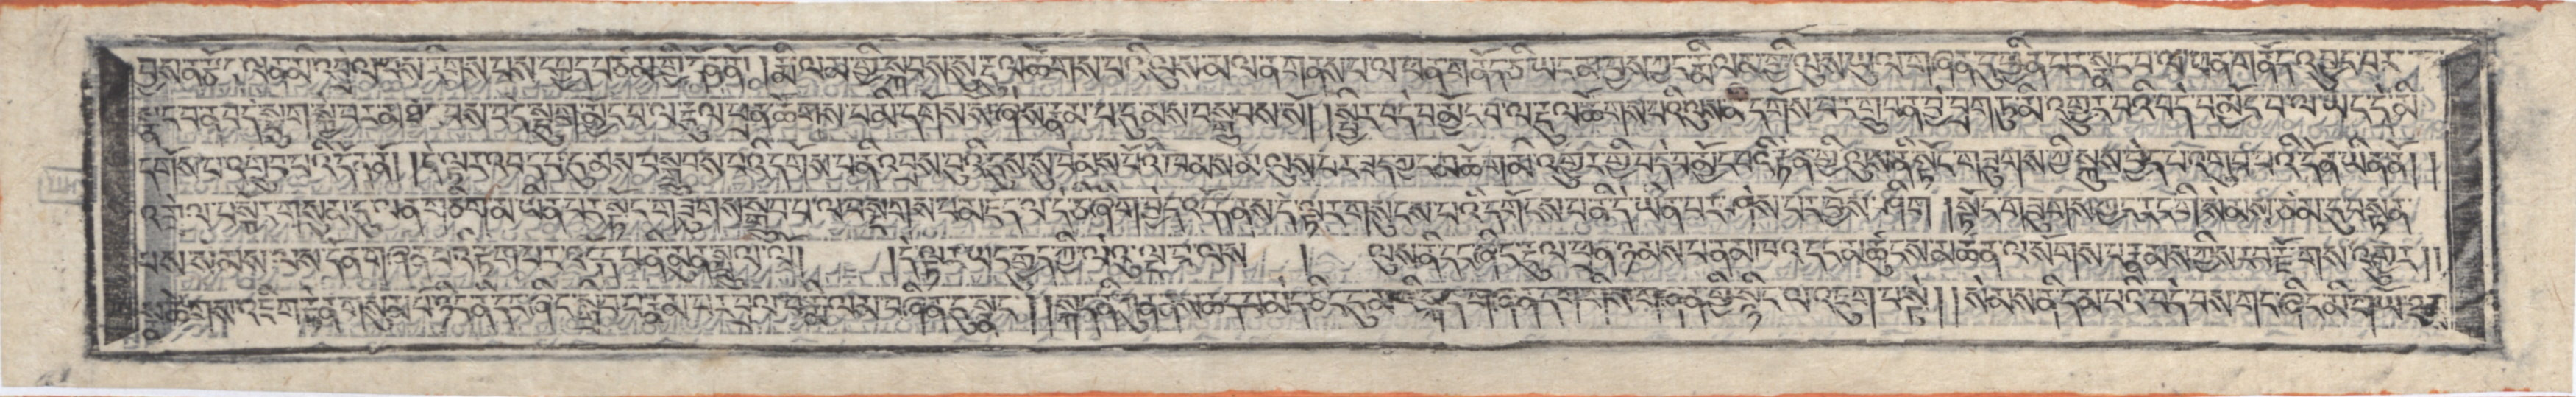བྱས་ན་རྩོད་ལན་མི་འབྲེལ་བས་རིགས་པས་དཔྱད་པ་ཙམ་གྱི་དོན་ནོ། །རྨི་ལམ་གྱི་སྐབས་སུ་རྡུལ་ཚོགས་པའི་ལུས་མལ་ན་གནས་པ་ལ་ཕན་གནོད་ཅི་ཡང་མ་བྱས་ཀྱང་རྨི་ལམ་གྱི་ལུས་ཡུལ་གཞན་དུ་ཕྱིན་པར་སྣང་བ་ལ་ཕན་གནོད་འབྱུང་བར་
སྣང་བ་ན་བདེ་སྡུག་སྐྱེ་བར་མཐོང་བས་བདེ་སྡུག་མྱོང་བ་ལ་རྡུལ་ཕྲན་ཚོགས་པ་མི་དགོས་སོ་ཞེས་རྣམ་པ་དུ་མས་བསྒྲུབས་སོ། །སྤྱིར་བདེ་བ་མྱོང་བ་ལ་རྡུལ་ཚོགས་པའི་ལུས་མི་དགོས་པར་གྲུབ་ན་བྱེ་བྲག་ཏུ་མི་འགྱུར་བའི་བདེ་བ་མྱོང་བ་ལ་ཡང་དེ་མི་
དགོས་པ་འགྲུབ་པའི་དོན་ནོ། །དེ་ལྟར་འབད་པ་དུ་མས་བསྒྲུབས་པའི་དགོས་པ་ནི་འབྲས་བུའི་དུས་སུ་བེམས་པོའི་ཁམས་མ་ལུས་པར་ཟད་ཀྱང་མཆོག་མི་འགྱུར་གྱི་བདེ་བ་མྱོང་བའི་རྟེན་གྱི་ལུས་ནི་སྟོང་གཟུགས་ཀྱི་སྐུས་བྱེད་པ་འགྲུབ་པའི་དོན་ཡིན་ནོ། །
འགྲེལ་པ་སྐོར་གསུམ་དུ་ལན་གཅིག་མ་ཡིན་པར་སྟོང་གཟུགས་སྒྲུབ་པ་ལ་བསྔགས་པ་མཛད་ལ་དེ་ཅི་ཞིག་བྱེད་འདོད་ནས་དེ་ལྟར་གསུངས་པའི་དགོངས་པ་ནི་དེ་ཡིན་པར་ཤེས་པར་བྱོས་ཤིག །སྟོང་གཟུགས་ཀྱང་རང་གི་སེམས་ཙམ་དུ་བསྟན་
པས་སེམས་ལས་དོན་གཞན་པའི་རྟག་པར་འདོད་པ་ནི་མུན་སྤྲུལ་ལོ། །དེ་ལྟར་ཡང་རྒྱུད་ཀྱི་ལེའུ་ལྔ་པ་ལས་། ལུས་ནི་དང་ཞིང་རྡུལ་ཕྲན་ཉམས་པ་ནམ་མཁའ་དང་མཚུངས་མཚན་ལ་སོགས་པ་རྣམས་ཀྱིས་རབ་རྫོགས་འགྱུར། །
སྣ་ཚོགས་འཇིག་རྟེན་གསུམ་པོ་ཉིད་ནི་དང་ཞིང་སྒྲིབ་པ་རྣམ་པར་བྲལ་བ་རྨི་ལམ་བཞིན་དུ་སྣང་། །སྐད་ནི་ཀུན་ནས་ཆད་པ་མེད་ཅིང་དུ་མའི་སྐད་གཞན་དག་གིས་གཞན་གྱི་སྙིང་ལ་འཇུག་པ་སྟེ། །སེམས་ནི་དམ་པའི་བདེ་བས་གང་ཞིང་མི་གཡོ་ཐམས་